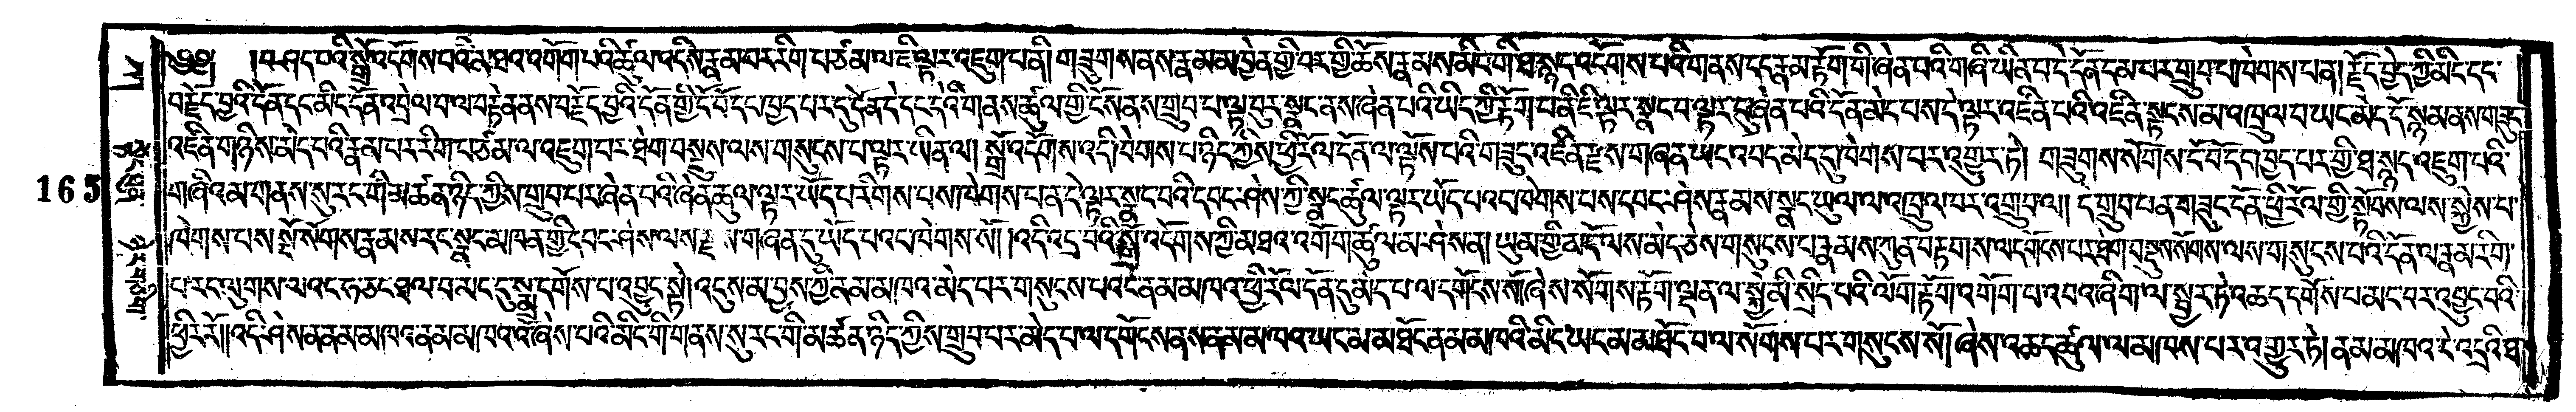༄༅། །བཤད་པའི་སྒྲོ་འདོགས་པའི་མཐའ་འགོག་པའི་ཚུལ་འདིས་རྣམ་པར་རིག་པ་ཙམ་ལ་ཇི་ལྟར་འཇུག་པ་ནི། གཟུགས་ནས་རྣམ་མཁྱེན་གྱི་བར་གྱི་ཆོས་རྣམས་མིང་གི་ཐ་སྙད་འདོགས་པའི་གནས་དང་རྣམ་རྟོག་གི་ཞེན་པའི་གཞི་ཡིན་པ་དེ་དོན་དམ་པར་གྲུབ་པ་ཁེགས་པ་ན། རྗོད་བྱེད་ཀྱི་མིང་དང་
བརྗོད་བྱའི་དོན་དང་མིང་དོན་འབྲེལ་བ་ལ་བརྟེན་ནས་བརྗོད་བྱའི་དོན་གྱི་ངོ་བོ་དང་ཁྱད་པར་དུ་དོན་དེ་དང་དེའི་གནས་ཚུལ་གྱི་ངོས་ནས་གྲུབ་པ་ལྟ་བུར་སྣང་ནས་ཞེན་པའི་ཡིད་ཀྱི་རྟོག་པ་ནི་ཇི་ལྟར་སྣང་བ་ལྟར་དུ་ཞེན་པའི་དོན་མེད་པས་དེ་ལྟར་འཛིན་པའི་འཛིན་སྟངས་མ་འཁྲུལ་བ་ཡང་མེད་དོ་སྙམ་ནས་གཟུང་
འཛིན་གཉིས་མེད་པའི་རྣམ་པར་རིག་པ་ཙམ་ལ་འཇུག་པར་ཐེག་བསྡུས་ལས་གསུངས་པ་ལྟར་ཡིན་ལ། སྒྲོ་འདོགས་འདི་ཁེགས་པ་ཉིད་ཀྱིས་ཕྱི་རོལ་དོན་ལ་ལྟོས་པའི་གཟུང་འཛིན་རྫས་གཞན་ཡང་འབད་མེད་དུ་ཁེགས་པར་འགྱུར་ཏེ། གཟུགས་སོགས་ངོ་བོ་དང་ཁྱད་པར་གྱི་ཐ་སྙད་འཇུག་པའི་
གཞིའམ་གནས་སུ་རང་གི་མཚན་ཉིད་ཀྱིས་གྲུབ་པར་ཞེན་པའི་ཞེན་ཆུལ་ལྟར་ཡོད་པ་རིགས་པས་ཁེགས་པ་ན་དེ་ལྟར་སྣང་བའི་དབང་ཤེས་ཀྱི་སྣང་ཚུལ་ལྟར་ཡོད་པའང་ཁགས་པས་དབང་ཤེས་རྣམས་སྣང་ཚུལ་ལ་འཁྲུལ་བར་འགྲུབ་ལ། དེ་གྲུབ་པ་ན་གཟུང་དོན་ཕྱི་རོལ་གྱི་སྟོབས་ལས་སྐྱེས་པ་
ཁེགས་པས་སྔོ་སོགས་རྣམས་རང་སྣང་མཁན་གྱི་དབང་ཤེས་ལས་རྫས་གཞན་དུ་ཡོད་པའང་ཁེགས་སོ། །འདི་འདྲ་བའི་སྒྲོ་འདོགས་ཀྱི་མཐའ་འགོག་ཚུལ་མ་ཤེས་ན། ཡུམ་གྱི་མདོ་ལས་མེད་ཅེས་གསུངས་པ་རྣམས་ཀུན་བརྟགས་ལ་དགོངས་པར་ཐེག་བསྡུས་སོགས་ལས་གསུངས་པའི་དོན་ལ་རྣམ་རིག་
པ་རང་ལུགས་ལའང་ཧ་ཅང་ཐལ་བ་མང་དུ་སྨྲ་དགོས་པ་འབྱུང་སྟེ། འདུས་མ་བྱས་ཀྱི་ནམ་མཁའ་མེད་པར་གསུངས་པའང་ནམ་མཁའ་ཕྱི་རོལ་དོན་དུ་མེད་པ་ལ་དགོངས་སོ། ཞེས་སོགས་རྟོག་ལྡན་ལ་སྐྱེ་མི་སྲིད་པའི་ལོག་རྟོག་འགོག་པ་འབའ་ཞིག་ལ་སྦྱར་ཏེ་འཆད་དགོས་པ་མང་བར་འབྱུང་བའི་
ཕྱིར་རོ། །འདི་ཤེས་ན་ནམ་མཁའ་ནམ་མཁའི་ཞེས་པའི་མིང་གི་གནས་སུ་རང་གི་མཚན་ཉིད་ཀྱིས་གྲུབ་པར་མེད་པ་ལ་དགོངས་ནས་ནམ་མཁའ་ཡང་མ་མཐོང་ནམ་མཁའི་མིང་ཡང་མ་མཐོང་བ་ལ་སོགས་པར་གསུངས་སོ། ཞེས་འཆང་ཚུལ་ལ་མཁས་པར་འགྱུར་ཏེ། ནམ་མཁའ་དེ་འདྲའི་ཐ་